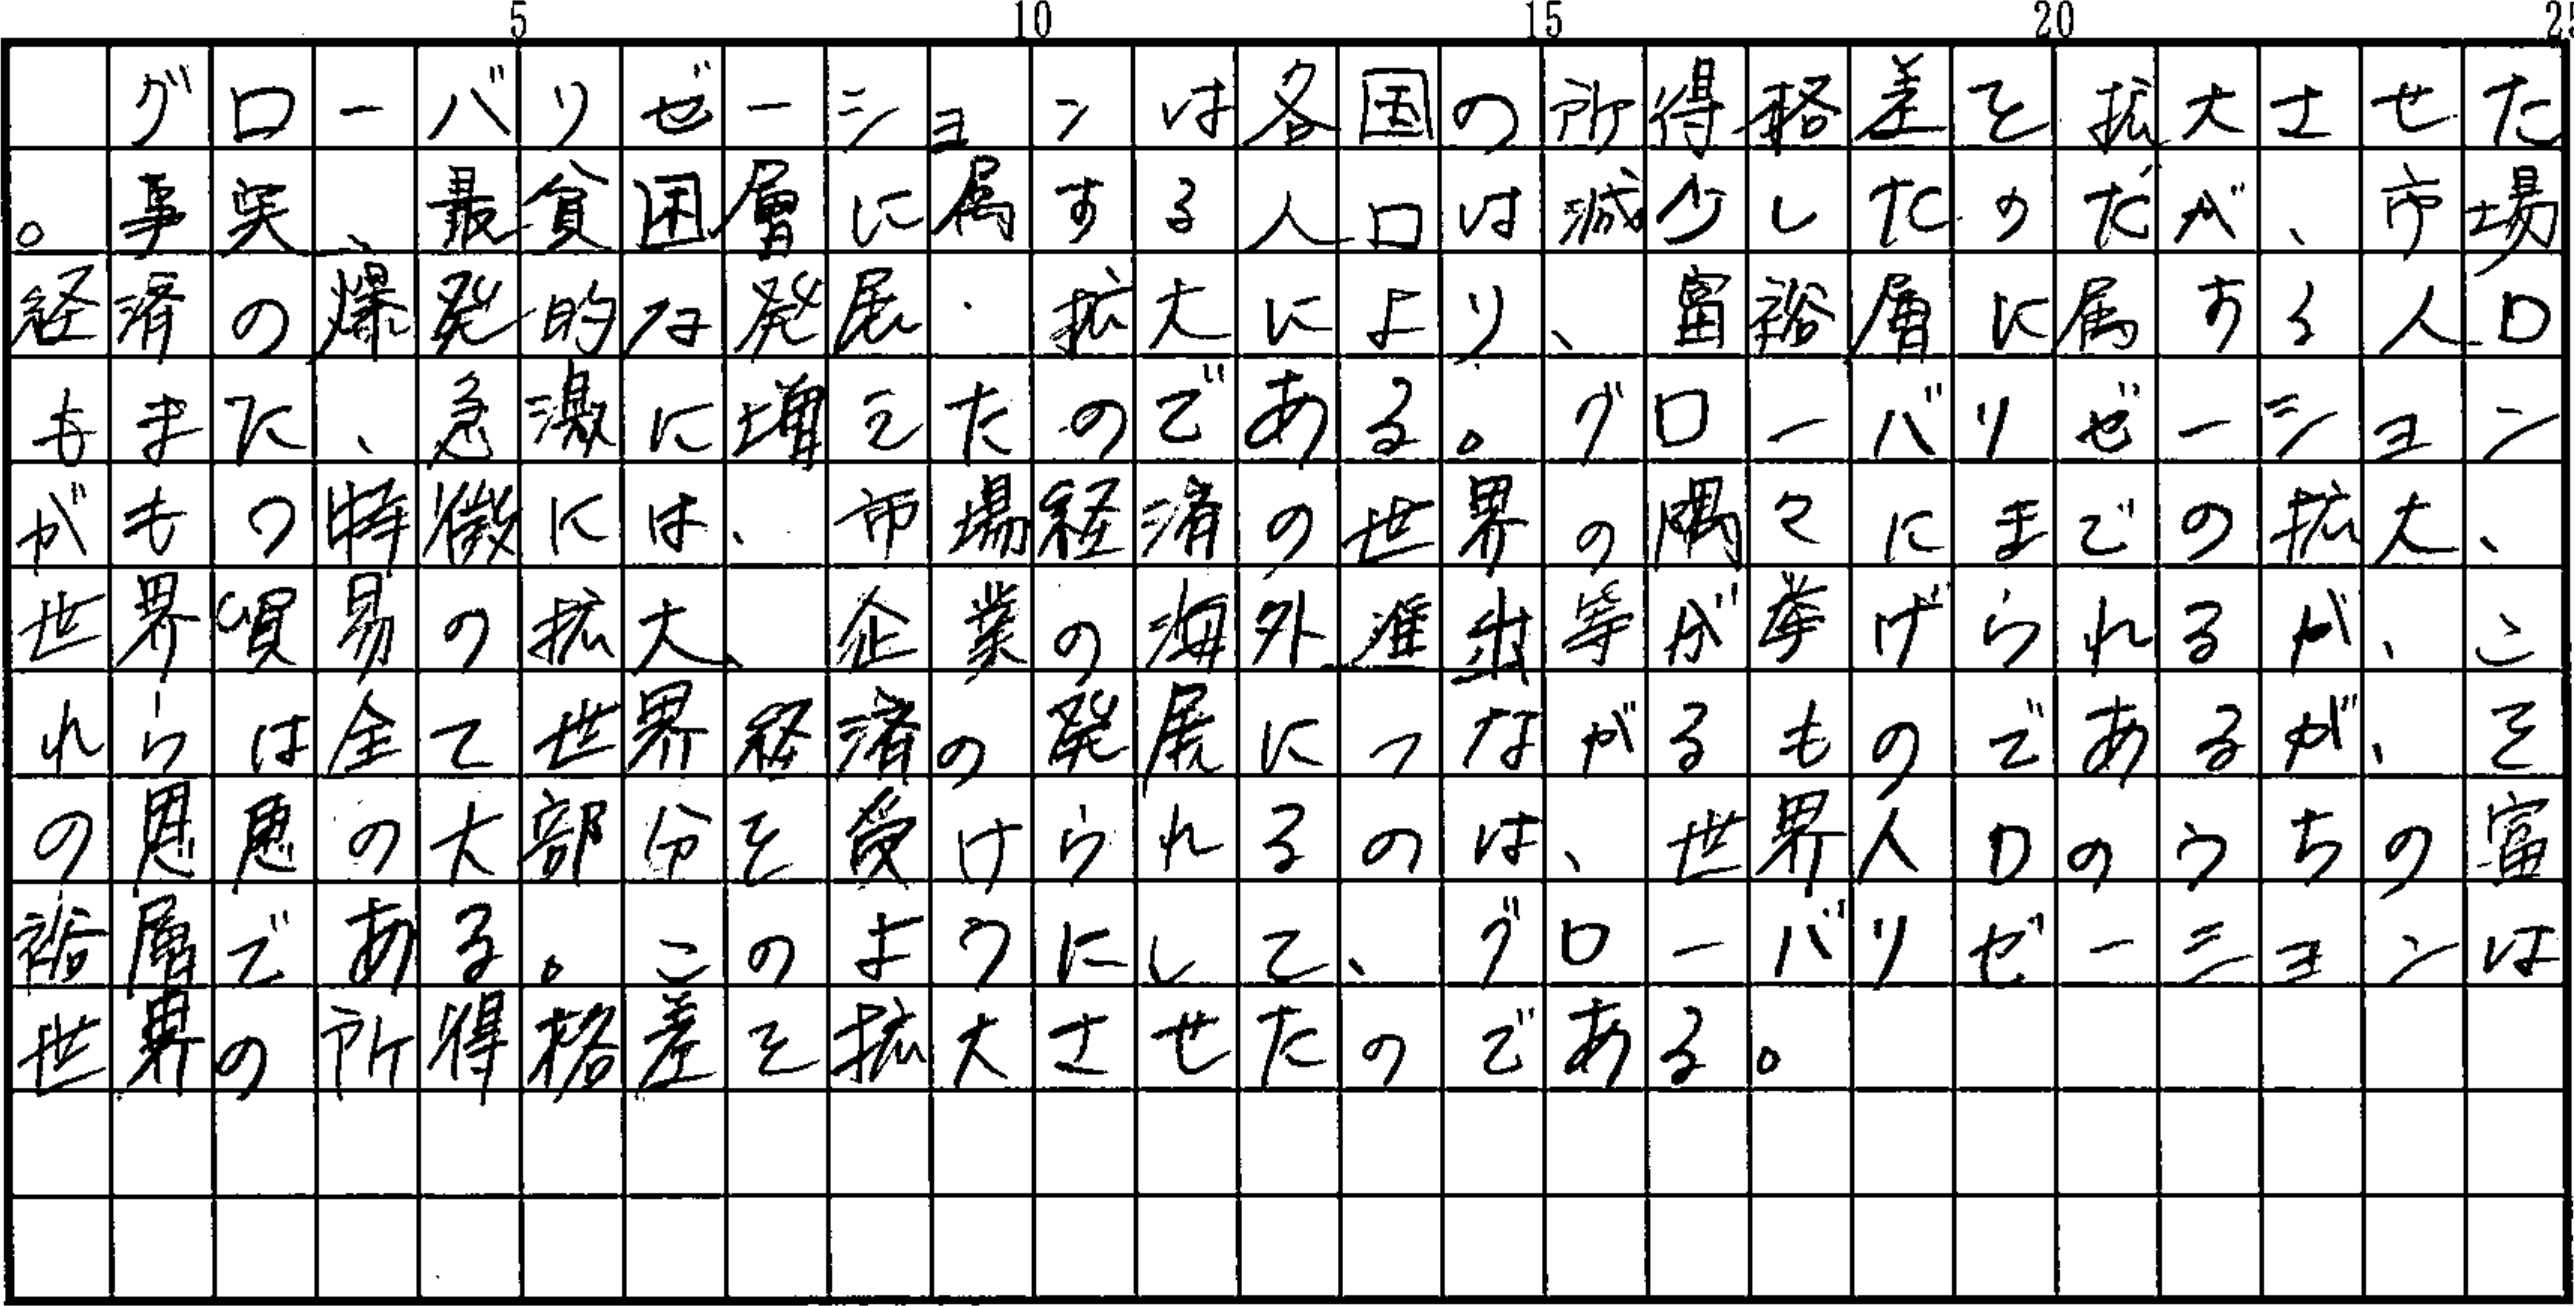　グローバリゼーションは各国の所得格差を拡大させた。事実、最貧困層に属する人口は減少したのだが、市場経済の爆発的な発展・拡大により、富裕層に属する人口もまた、急激に増えたのである。グローバリゼーションがもつ特徴には、市場経済の世界の隅々にまでの拡大、世界貿易の拡大、企業の海外進出等が挙げられるが、これらは全て世界経済の発展につながるものであるが、その恩恵の大部分を受けられるのは、世界人口のうちの富裕層である。このようにしてグローバリゼーションは世界の所得格差を拡大させたのである。
